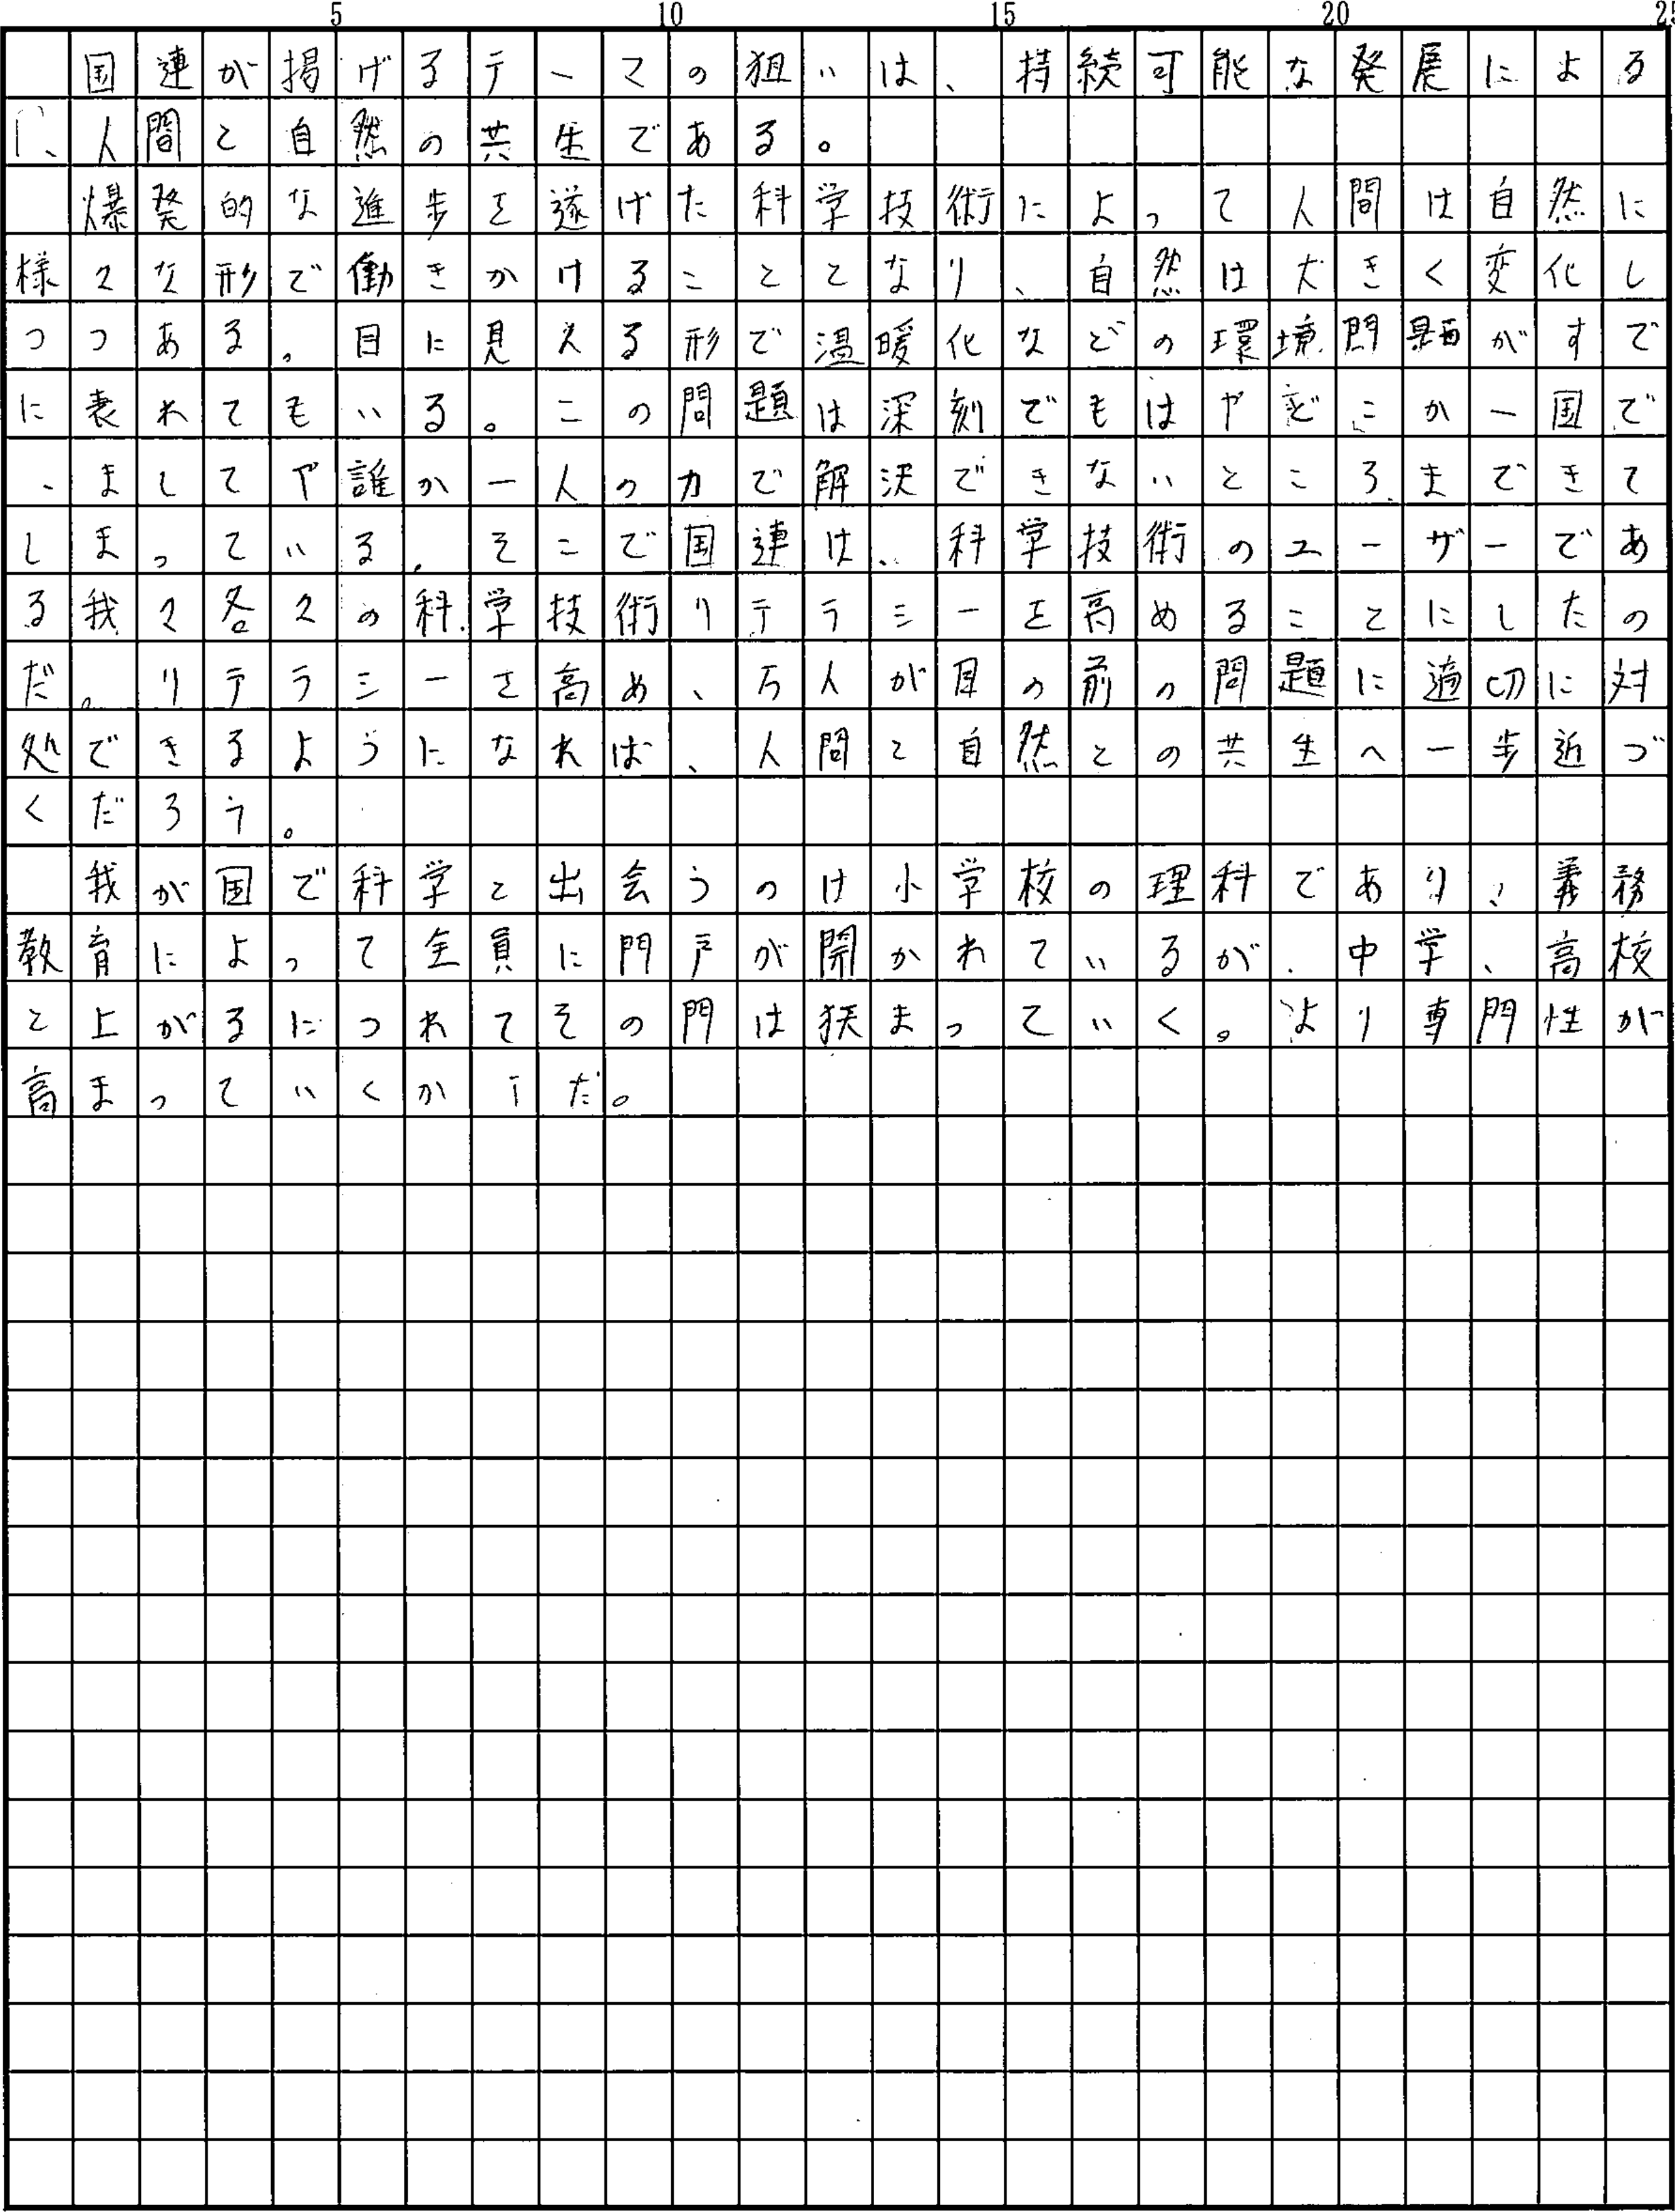　国連が掲げるテーマの狙いは、持続可能な発展による、人間と自然の共生である。
　爆発的な進歩を遂げた科学技術によって人間は自然に様々な形で働きかけることとなり、自然は大きく変化しつつある。目に見える形で温暖化などの環境問題がすでに表れてもいる。この問題は深刻でもはやどこか一国で、ましてや誰か一人の力で解決できないところまできてしまっている。そこで国連は、科学技術のユーザーである我々各々の科学技術リテラシーを高めることにしたのだ。リテラシーを高め、万人が目の前の問題に適切に対処できるようになれば、人間と自然との共生へ一歩近づくだろう。
　我が国で科学と出会うのは小学校の理科であり、義務教育によって全員に門戸が開かれているが、中学、高校と上がるにつれてその門は狭まっていく。より専門性が高まっていくからだ。
